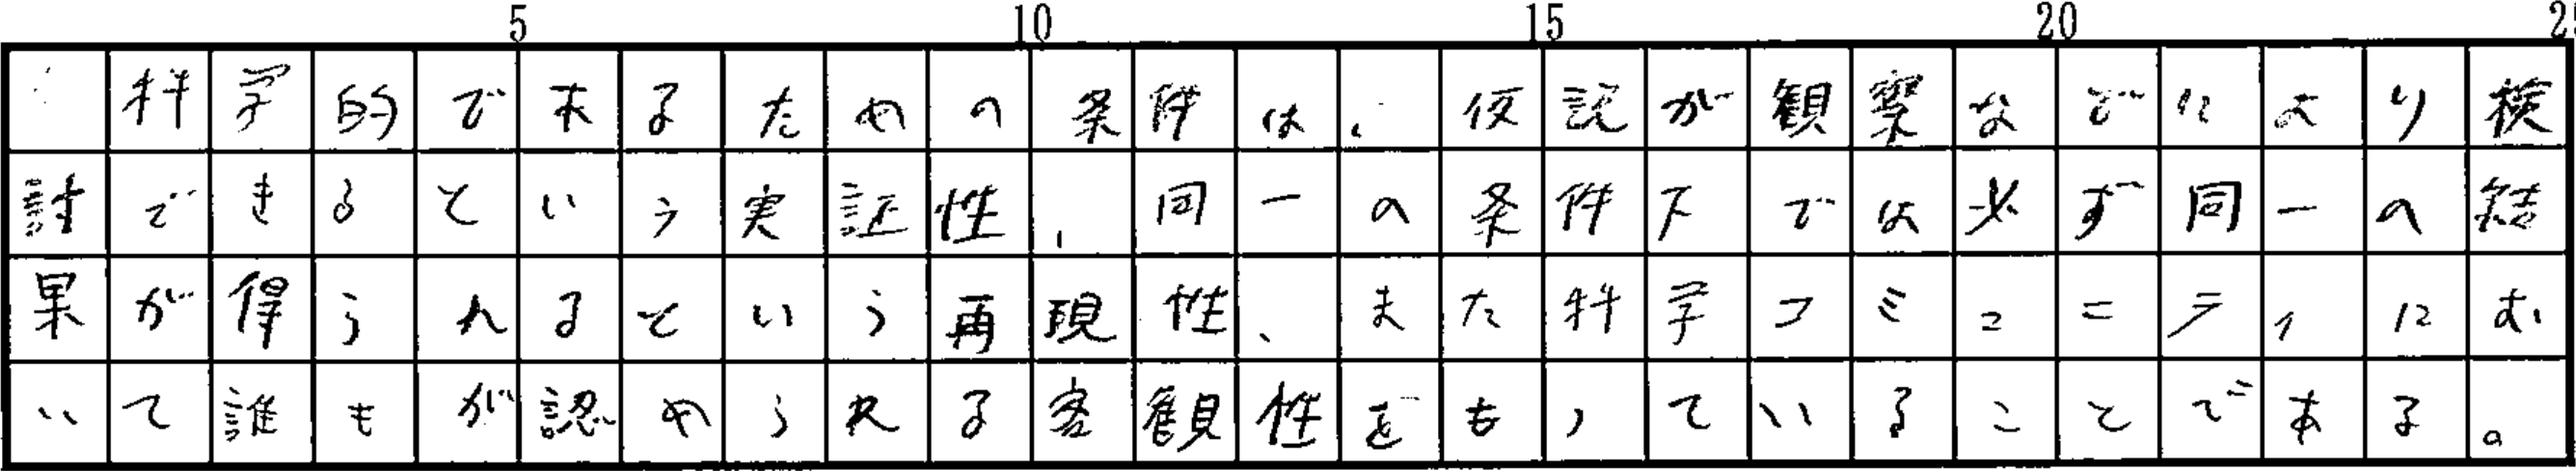　科学的であるための条件は、仮説が観察などにより検討できるという実証性、同一の条件下では必ず同一の結果が得られるという再現性、また科学コミュニティにおいて誰もが認められる客観性をもっていることである。
